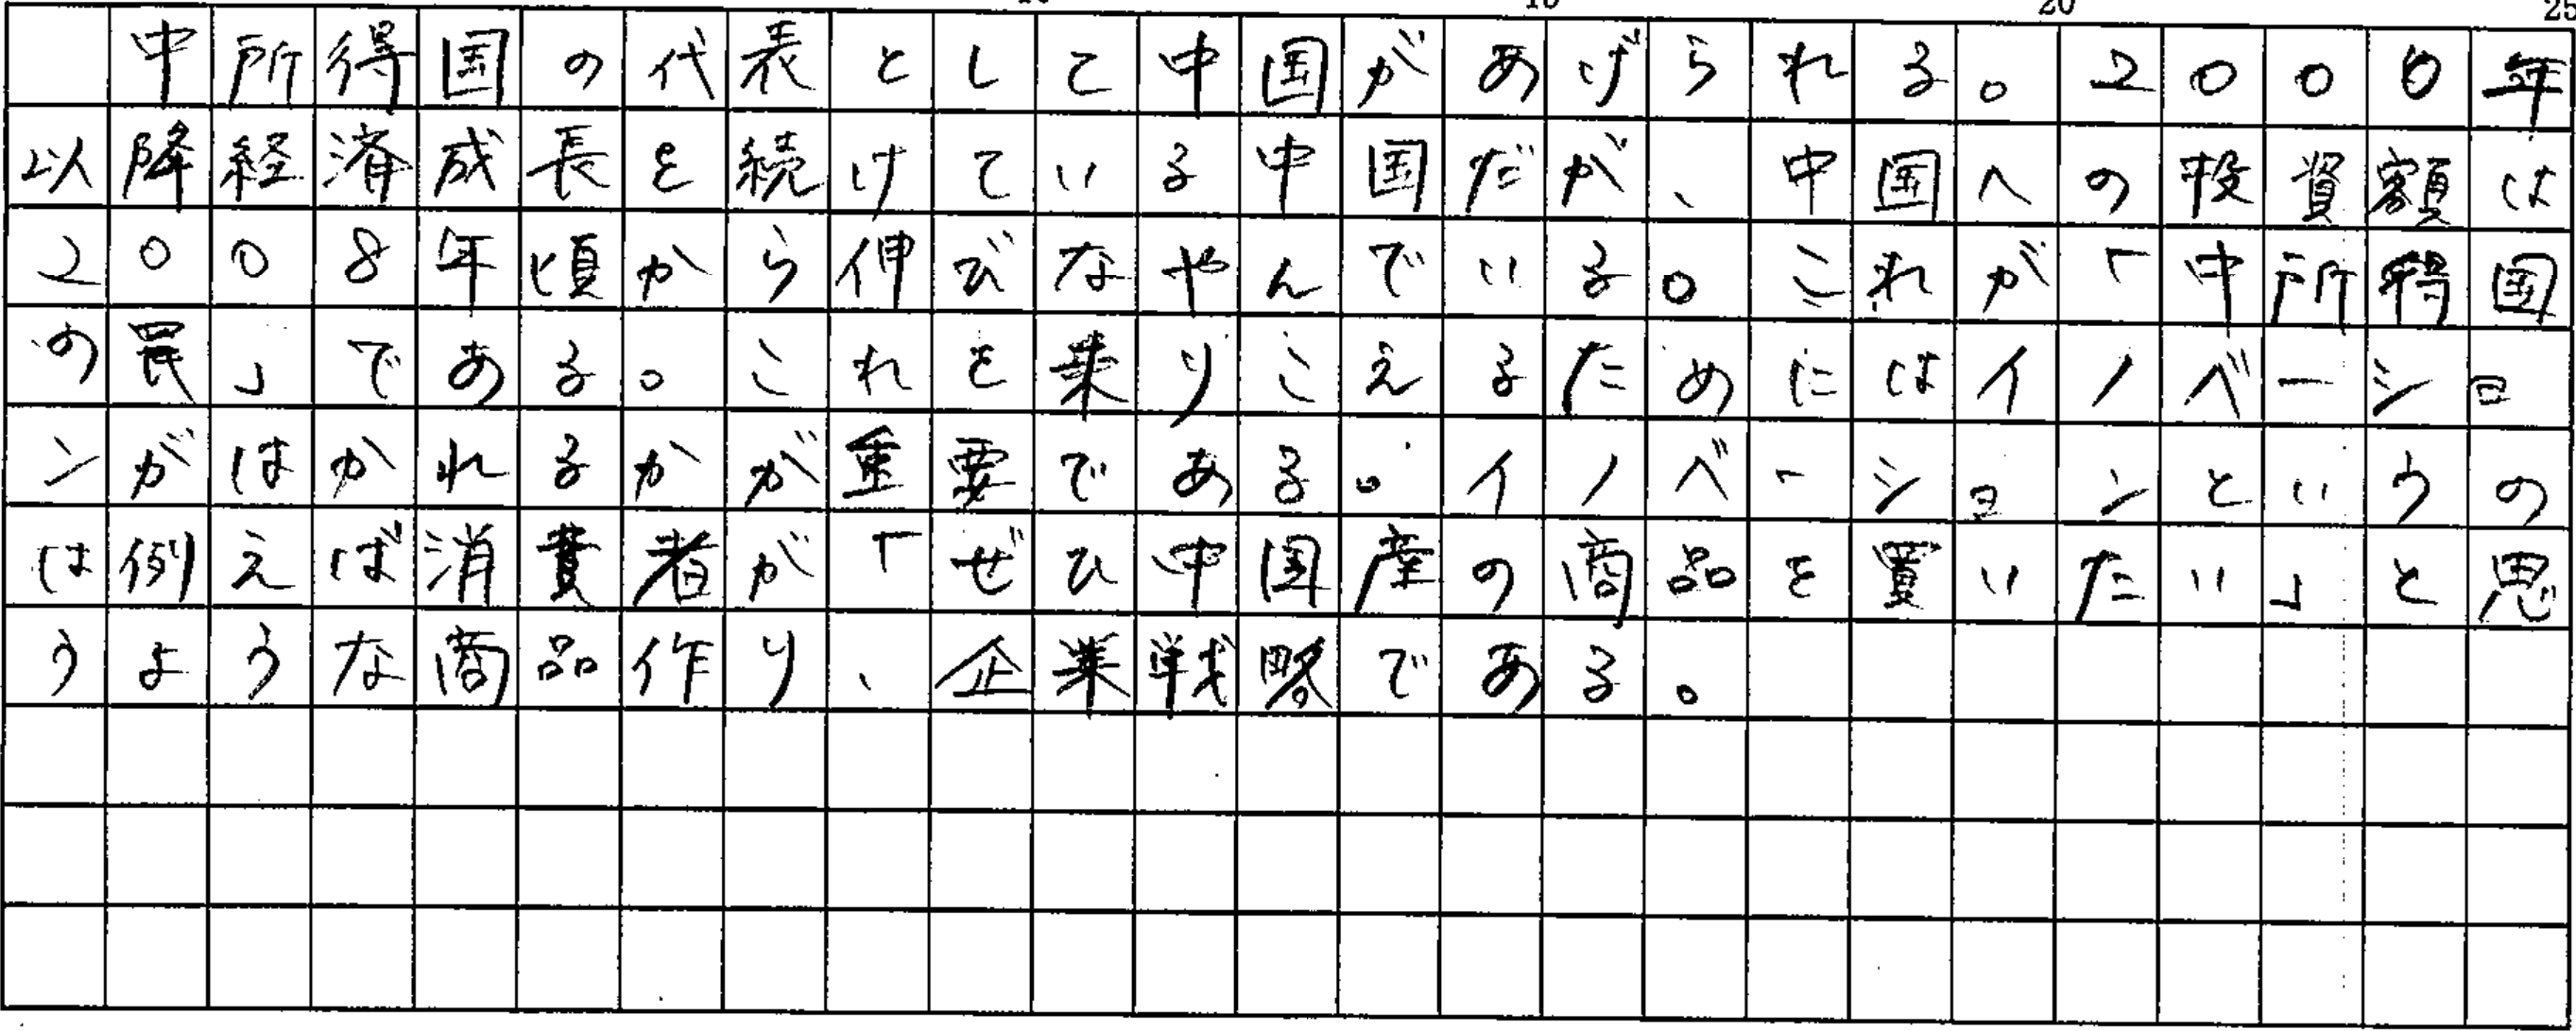　中所得国の代表として中国があげられる。２０００年以降経済成長を続けている中国だが、中国への投資額は２００８年頃から伸びなやんでいる。これが「中所得国の罠」である。これを乗りこえるためにはイノベーションがはかれるかが重要である。イノベーションというのは例えば消費者が「ぜひ中国産の商品を買いたい」と思うような商品作り、企業戦略である。
